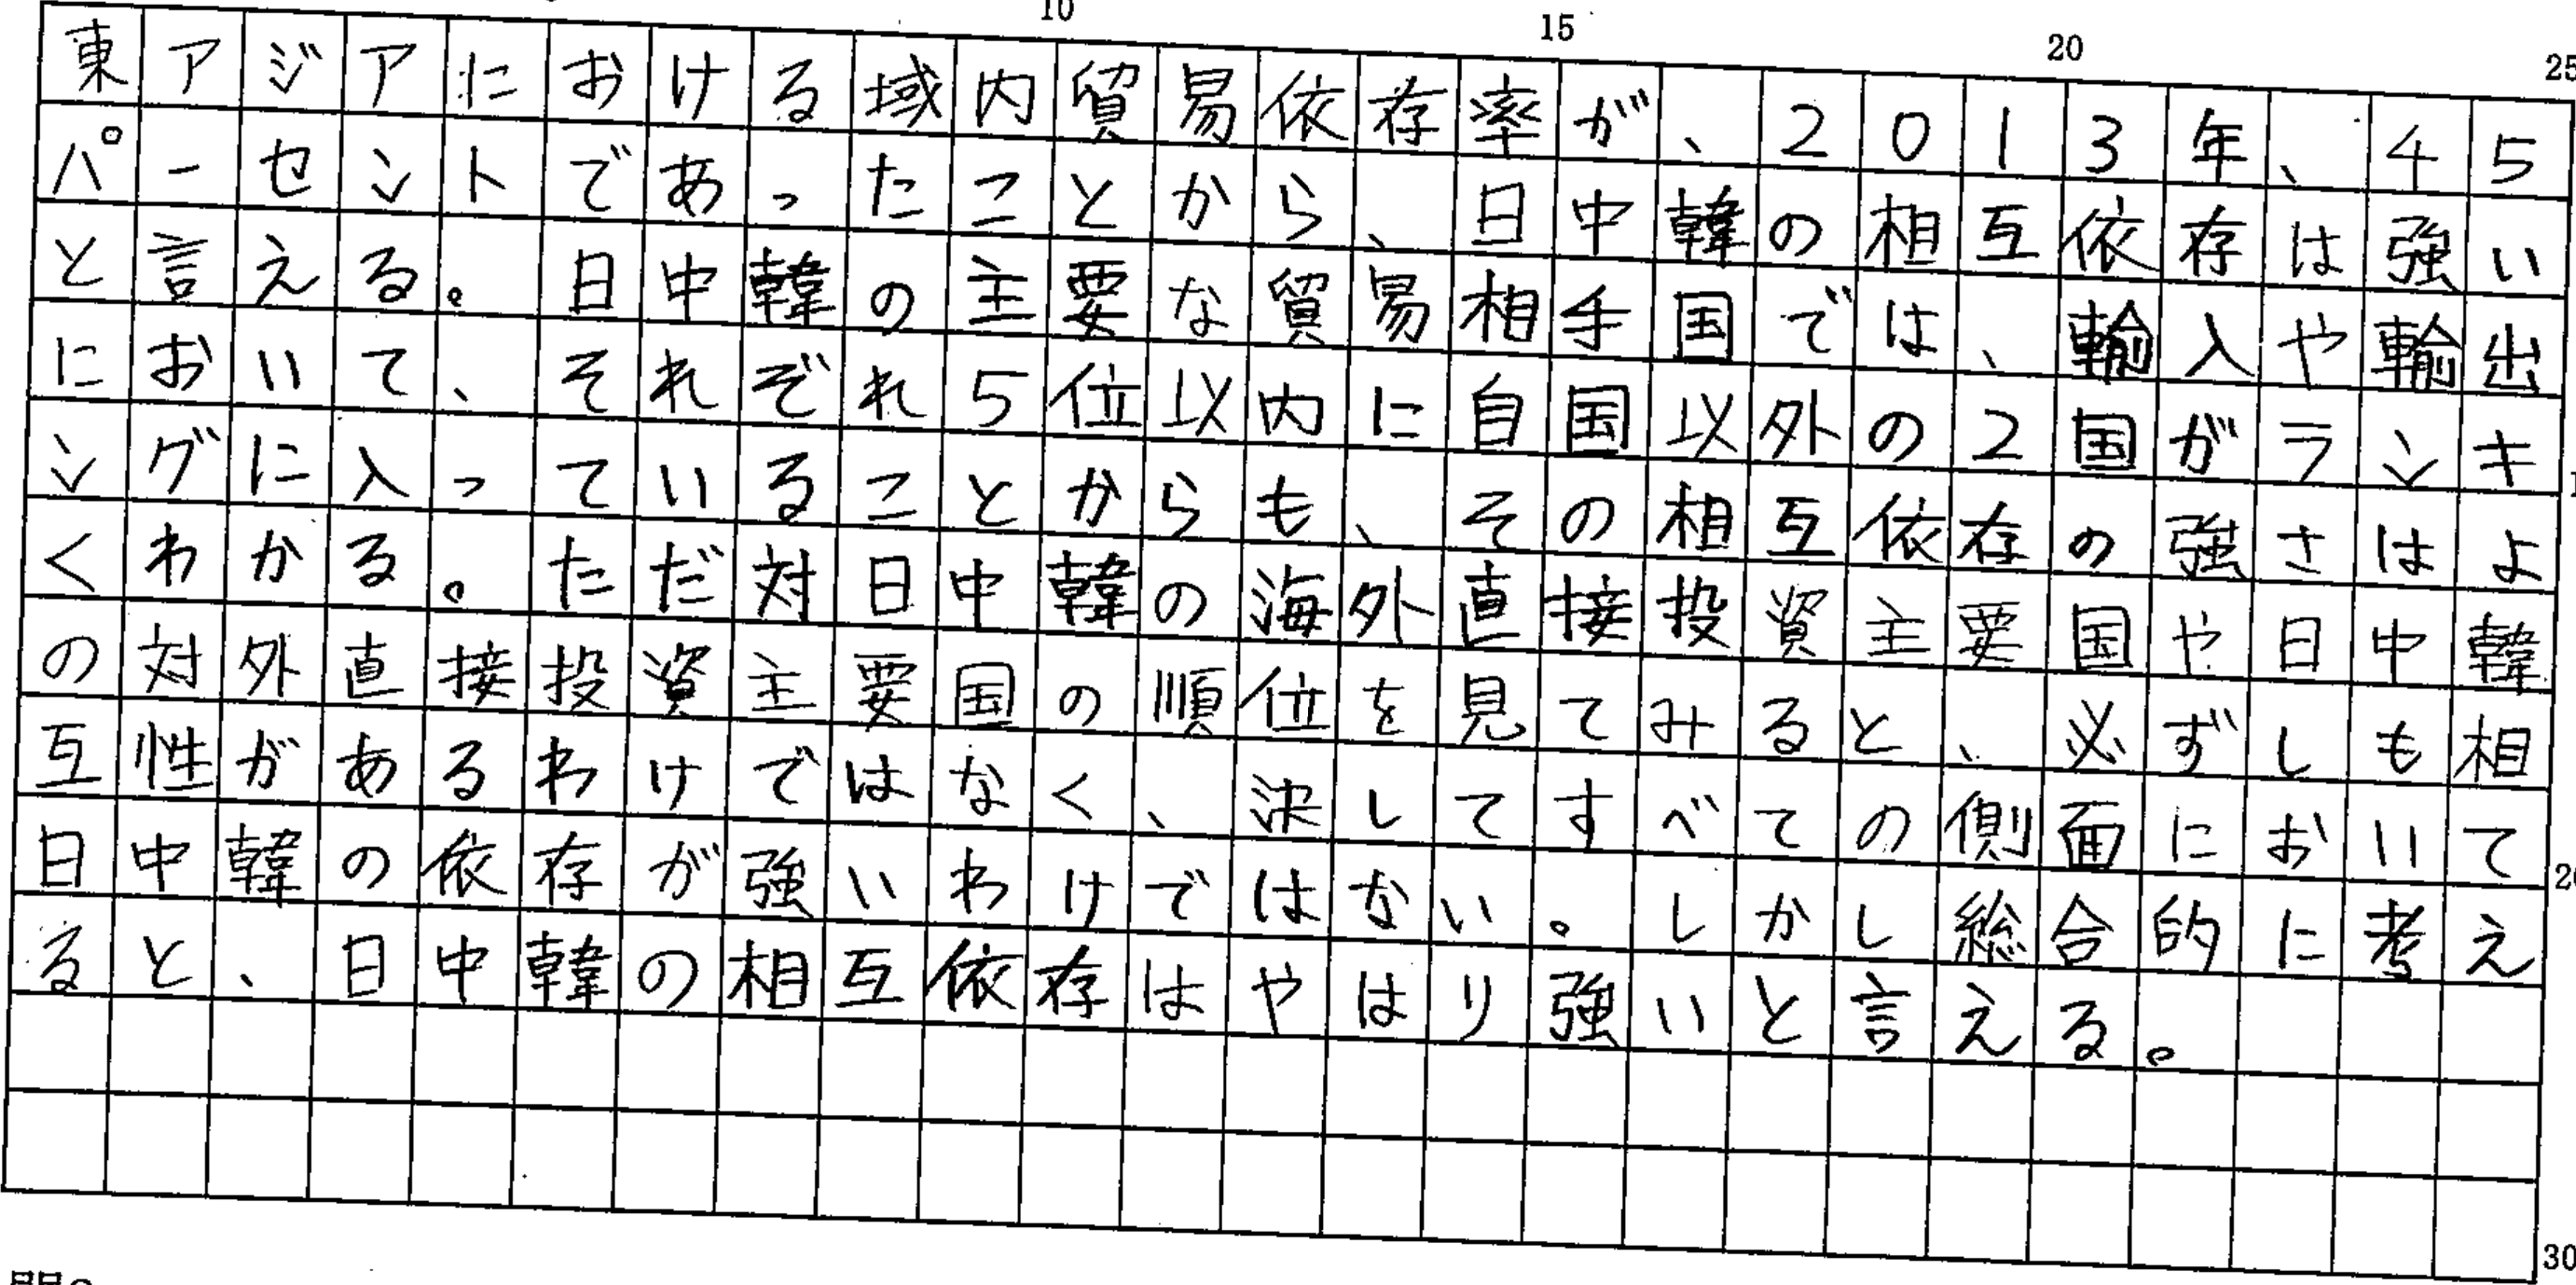東アジアにおける域内貿易依存率が、２０１３年、４５パーセントであったことから、日中韓の相互依存は強いと言える。日中韓の主要な貿易相手国では、輸入や輸出において、それぞれ５位以内に自国以外の２国がランキングに入っていることからも、その相互依存の強さはよくわかる。ただ対日中韓の海外直接投資主要国や日中韓の対外直接投資主要国の順位を見てみると、必ずしも相互性があるわけではなく、決してすべての側面において日中韓の依存が強いわけではない。しかし総合的に考えると、日中韓の相互依存はやはり強いと言える。
